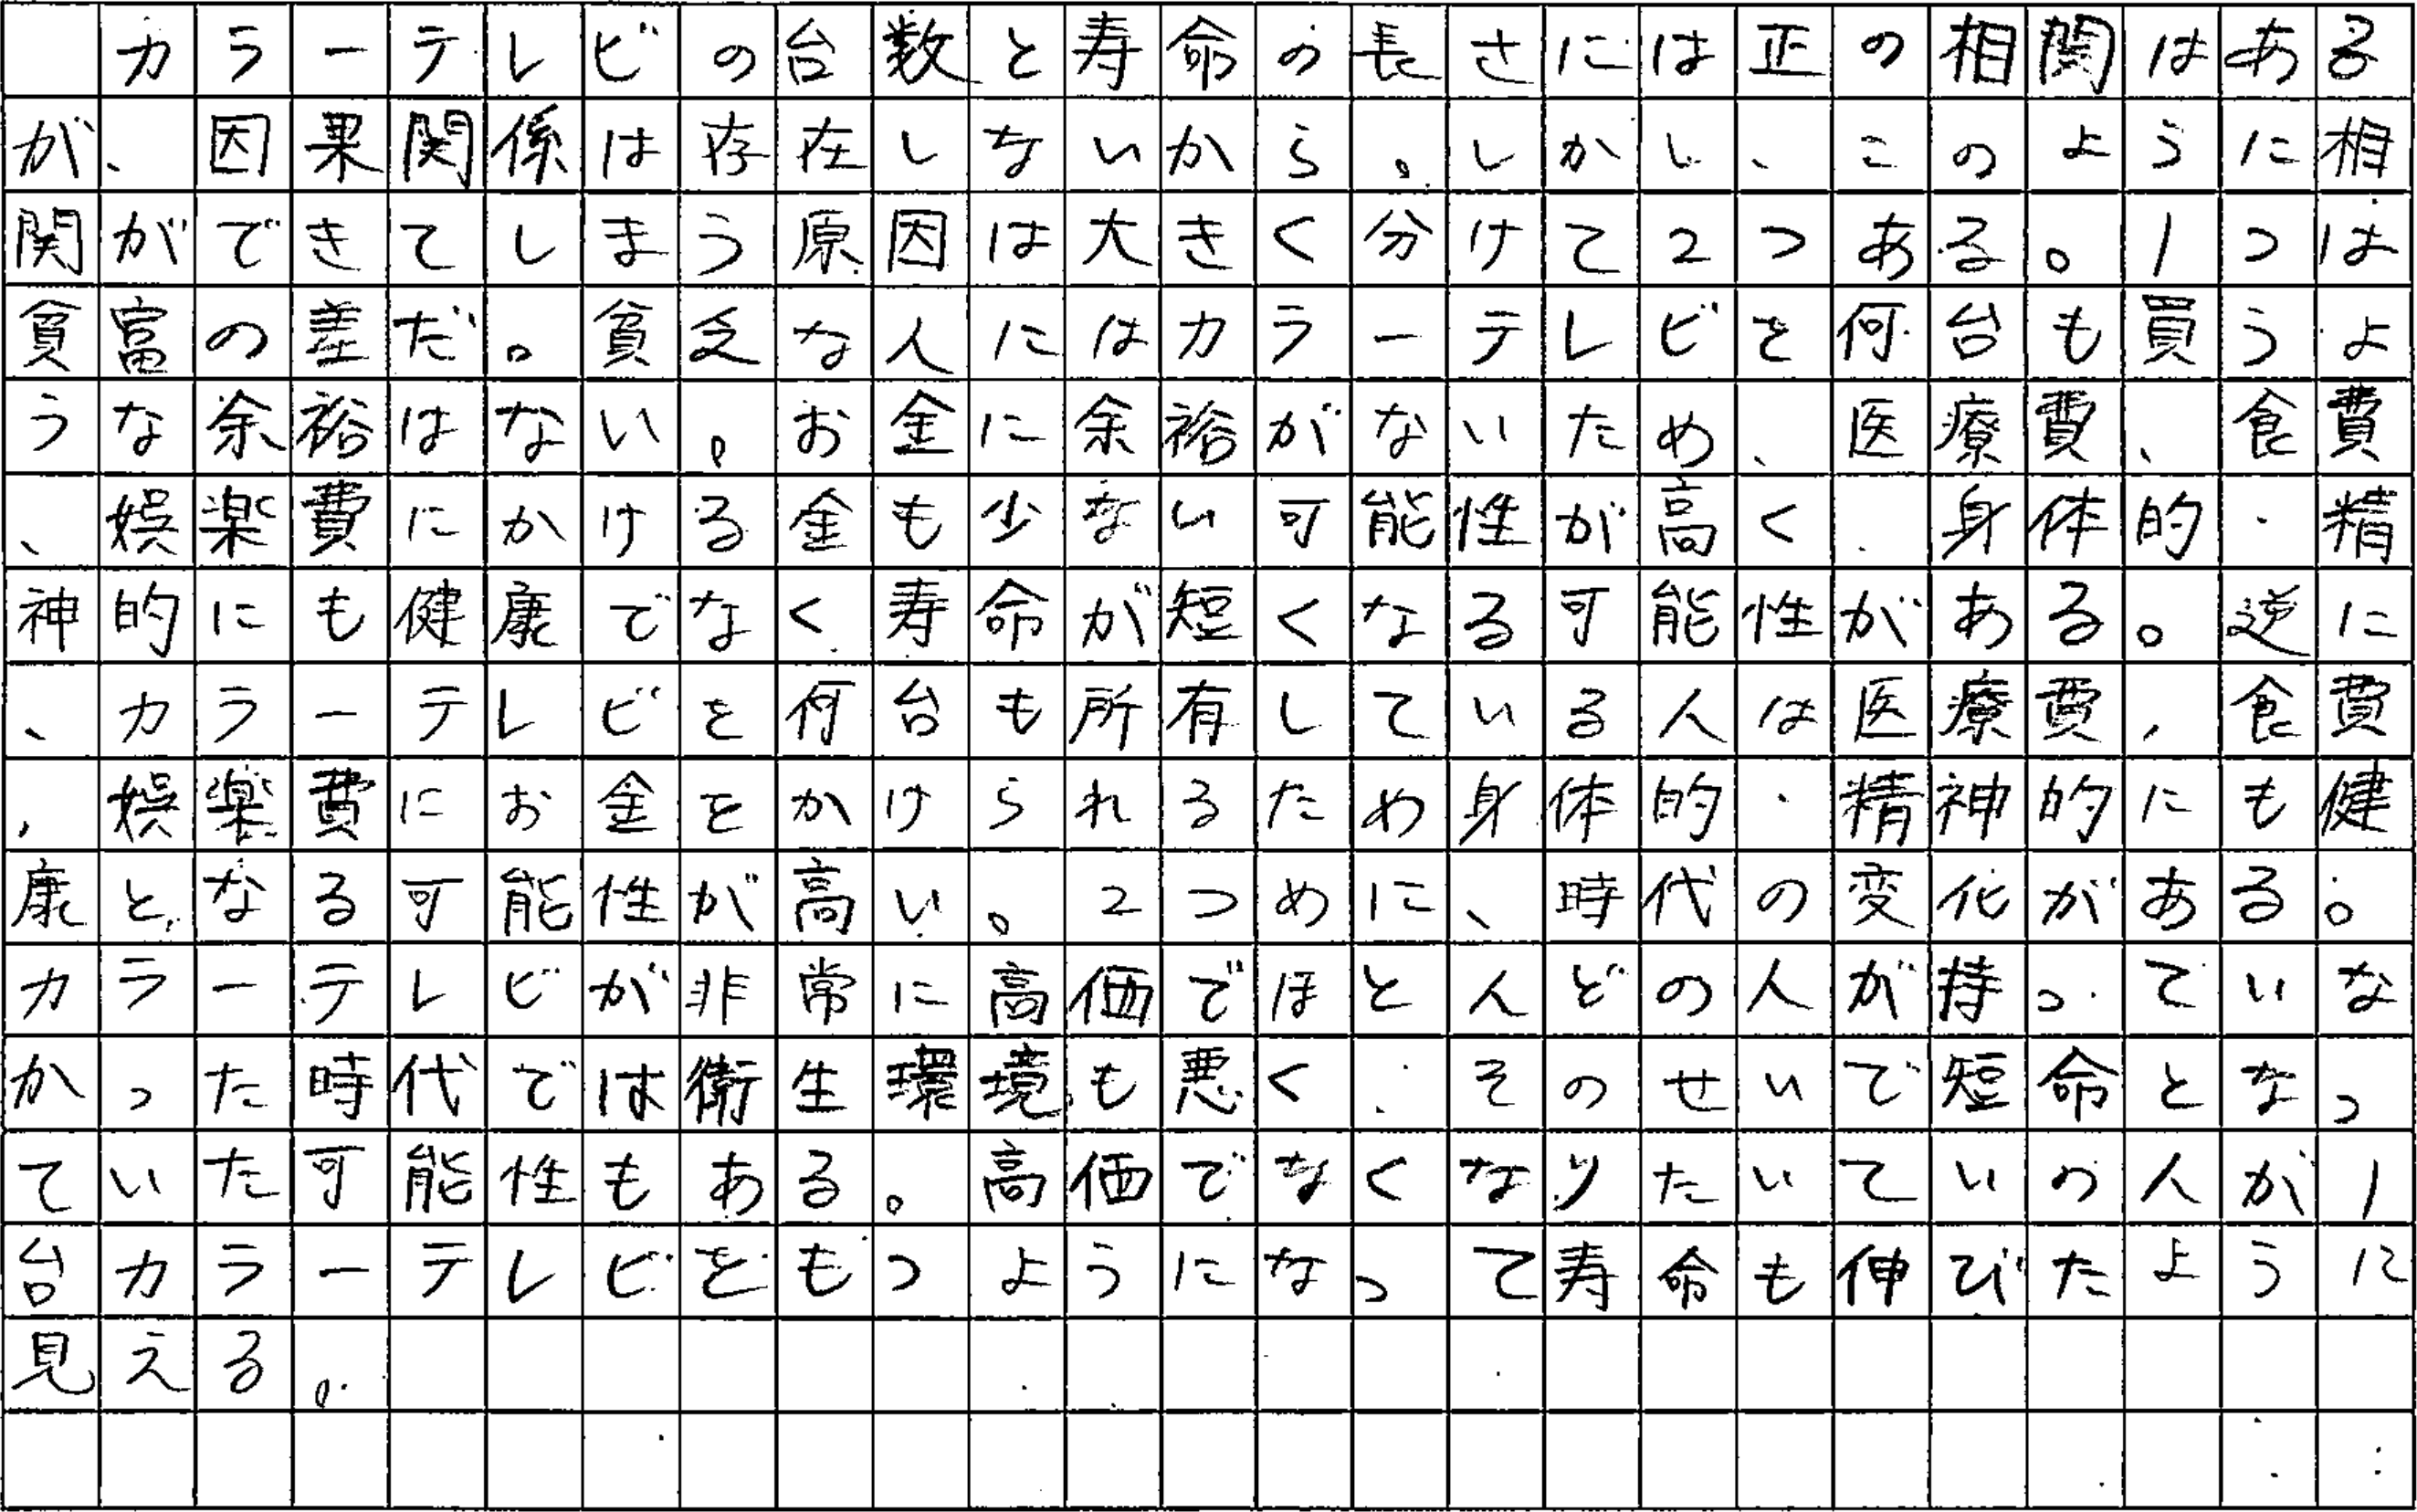　カラーテレビの台数と寿命の長さには正の相関はあるが、因果関係は存在しないから。しかし、このように相関ができてしまう原因は大きく分けて２つある。１つは貧富の差だ。貧乏な人にはカラーテレビを何台も買うような余裕はない。お金に余裕がないため、医療費、食費、娯楽費にかける金も少ない可能性が高く、身体的・精神的にも健康でなく寿命が短くなる可能性がある。逆に、カラーテレビを何台も所有している人は医療費、食費、娯楽費にお金をかけられるため身体的・精神的にも健康となる可能性が高い。２つめに、時代の変化がある。カラーテレビが非常に高価でほとんどの人が持っていなかった時代では衛生環境も悪く、そのせいで短命となっていた可能性もある。高価でなくなりたいていの人が１台カラーテレビをもつようになって寿命も伸びたように見える。
